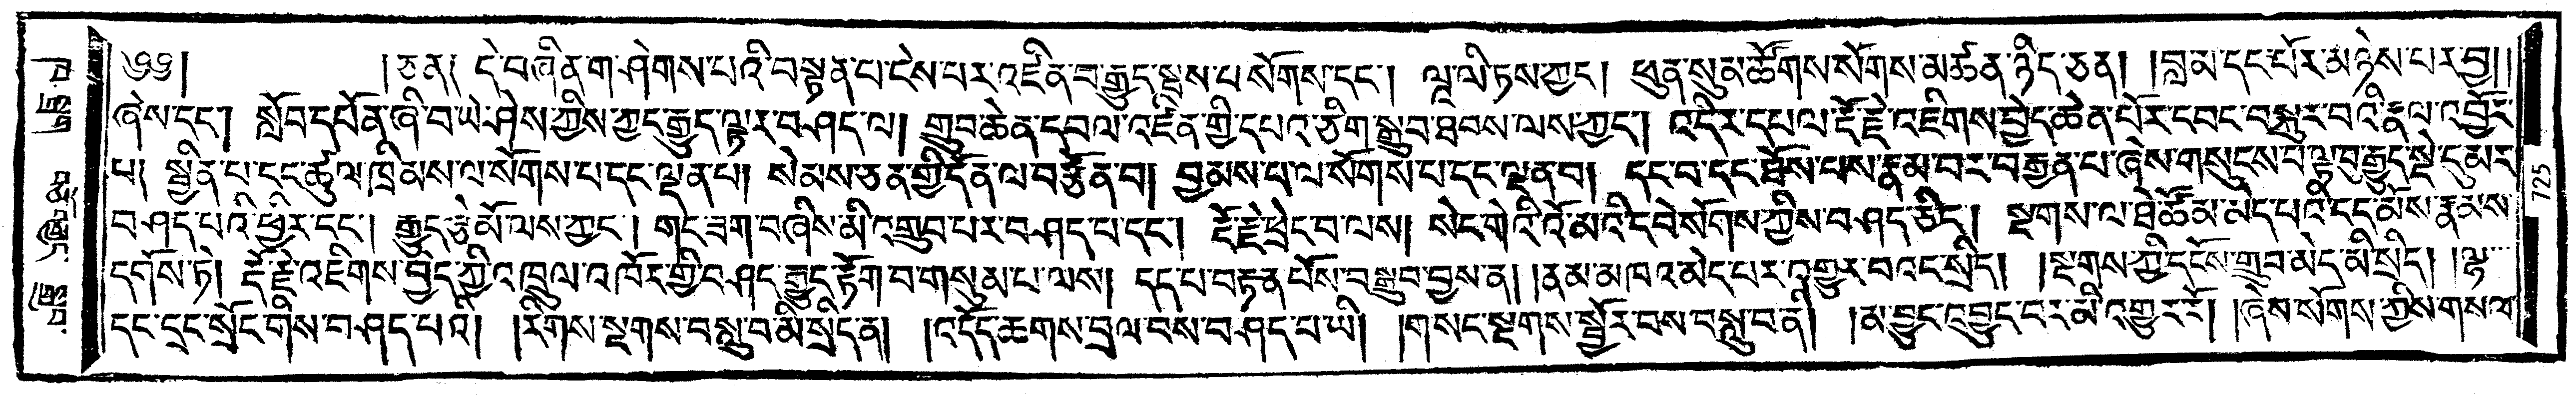༄༅། །ཅན༑ དེ་བཞིན་གཤེགས་པའི་བསྟན་པ་ངེས་པར་འཛིན་པ་རྒྱུད་སྤས་པ་སོགས་དང་། ལཱ་ལི་ཏས་ཀྱང་། ཕུན་སུམ་ཚོགས་སོགས་མཚན་ཉིད་ཅན། །བླ་མ་དང་པོར་མཉེས་པར་བྱ། །
ཞེས་དང་། སློབ་དཔོན་ཞི་བ་ཡེ་ཤེས་ཀྱིས་ཀྱང་རྒྱུད་ལྟར་བཤད་ལ། གྲུབ་ཆེན་དཔལ་འཛིན་གྱི་དཔའ་ཅིག་སྒྲུབ་ཐབས་ལས་ཀྱང་། འདིར་དཔལ་རྡོ་རྗེ་འཇིགས་བྱེད་ཆེན་པོར་དབང་བསྐུར་བའི་རྣལ་འབྱོར་
པ༑ སྦྱིན་པ་ངང་ཚུལ་ཁྲིམས་ལ་སོགས་པ་དང་ལྡན་པ། སེམས་ཅན་གྱི་དོན་ལ་བརྩོན་པ། བྱམས་པ་ལ་སོགས་པ་དང་ལྡན་པ། དད་བ་དང་ཐོས་པས་རྣམ་པར་བརྒྱན་པ་ཞེས་གསུངས་པ་ལྟ་བུ་རྒྱུད་སྡེ་དུ་མར་
བཤད་པའི་ཕྱིར་དང་། རྒྱུད་རྩེ་མོ་ལས་ཀྱང་། གང་ཟག་བཞིས་མི་འགྲུབ་པར་བཤད་པ་དང་། རྡོ་རྗེ་ཕྲེང་བ་ལས། སེང་གེའིའོ་མའི་དཔེ་སོགས་ཀྱིས་བཤད་ཅིང་། སྔགས་ལ་ཐེ་ཚོམ་མེད་པའི་དད་མོས་རྣམས་
དགོས་ཏེ། རྡོ་རྗེ་འཇིགས་བྱེད་ཀྱི་འཁྲུལ་འཁོར་གྱི་བཤད་རྒྱུད་རྟོག་བ་གསུམ་པ་ལས། དད་པ་བརྟན་པོས་བསྒྲུབ་བྱས་ན། །ནམ་མཁའ་མེད་པར་འགྱུར་བའང་སྲིད། །སྔགས་ཀྱི་དངོས་གྲུབ་མེད་མི་སྲིད། །ལྷ་
དང་དྲང་སྲོང་གིས་བཤད་པའི། །རིགས་སྔགས་བསླུ་བ་མི་སྲིད་ན། །འདོད་ཆགས་བྲལ་བས་བཤད་པ་ཡི། །གསང་སྔགས་སྦྱོར་བས་བསླུ་བ་ནི། །མ་བྱུང་འབྱུང་བར་མི་འགྱུར་རོ། །ཞེས་སོགས་ཀྱིས་གསལ་